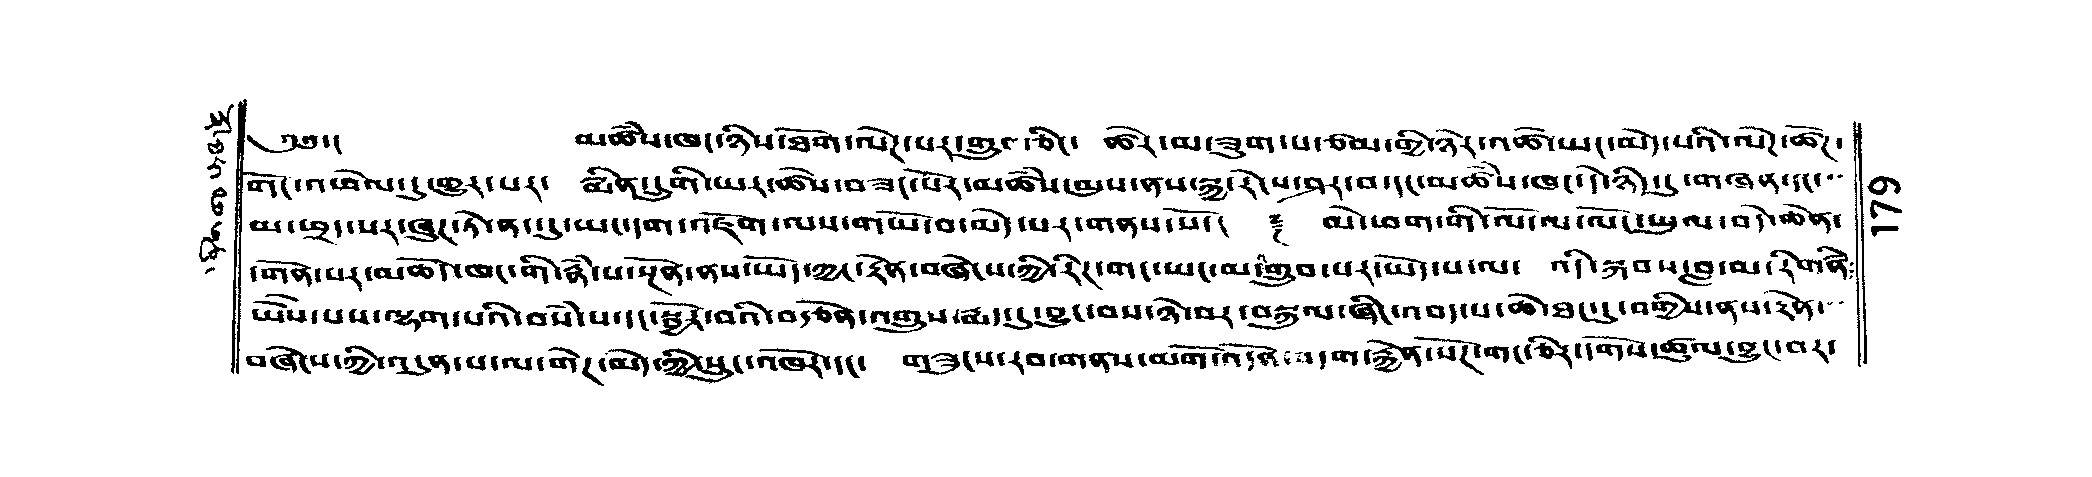མཚམས་ཁང་ཉིས་ཐོག་ལེགས་པར་གྲུབ་ཅིང་། ཚེར་མ་ཟུག་པ་ཙམ་གྱི་ཉེར་འཚེ་ཡང་མེད་པའི་ལེགས་ཚོགས་
གོང་འཕེལ་དུ་གྱུར། སྨིན་དྲུག་གི་ཡར་ཚེས་བཟང་པོར་མཚམས་མུས་ནས་སྐྱ་རེངས་ཤར་བ་དང་མཚམས་ཁང་དེ་ཉིད་དུ་གཞན་དང་
མ་ཕྲད་པར་བཞུགས་ཏེ་ནང་དུ་ཡང་དག་པར་འཇོག་པ་ལས་གཡོ་བ་མེད་པར་གནས་སོ།། མེ་ཕག་གི་ལོ་ལ་ལོང་ཡུལ་བདེ་ཆེན་
དགོན་པར་མཆོད་ཁང་རྣམ་པ་སྔོན་ནས་ཡོད་ཀྱང་རྟེན་བཞེངས་ཀྱི་རིགས་གང་ཡང་མ་འགྲུབ་པར་ཡོད་པ་ལ། འདི་སྐབས་བླ་མ་རིག་འཛིན་
ཡེ་ཤེས་པས་ལྷག་པའི་བསམ་པ་དང་སྦྱོར་བའི་བརྩོན་འགྲུས་རྨད་དུ་བྱུང་བས་ཉེ་བར་བསྐུལ་ཞིང་འབད་པ་ཆེ་ཐང་དུ་བགྱིས་ནས་རྟེན་
བཞེངས་ཀྱི་འདུན་པ་ལ་གེགས་མེད་ཀྱི་སྲུང་འཁོར་དང་། གཟུངས་རབ་གནས་མགོ་འདོན་བདག་རྐྱེན་སོགས་གང་ཅིར་དགོས་ཚུལ་བྱུང་བར་